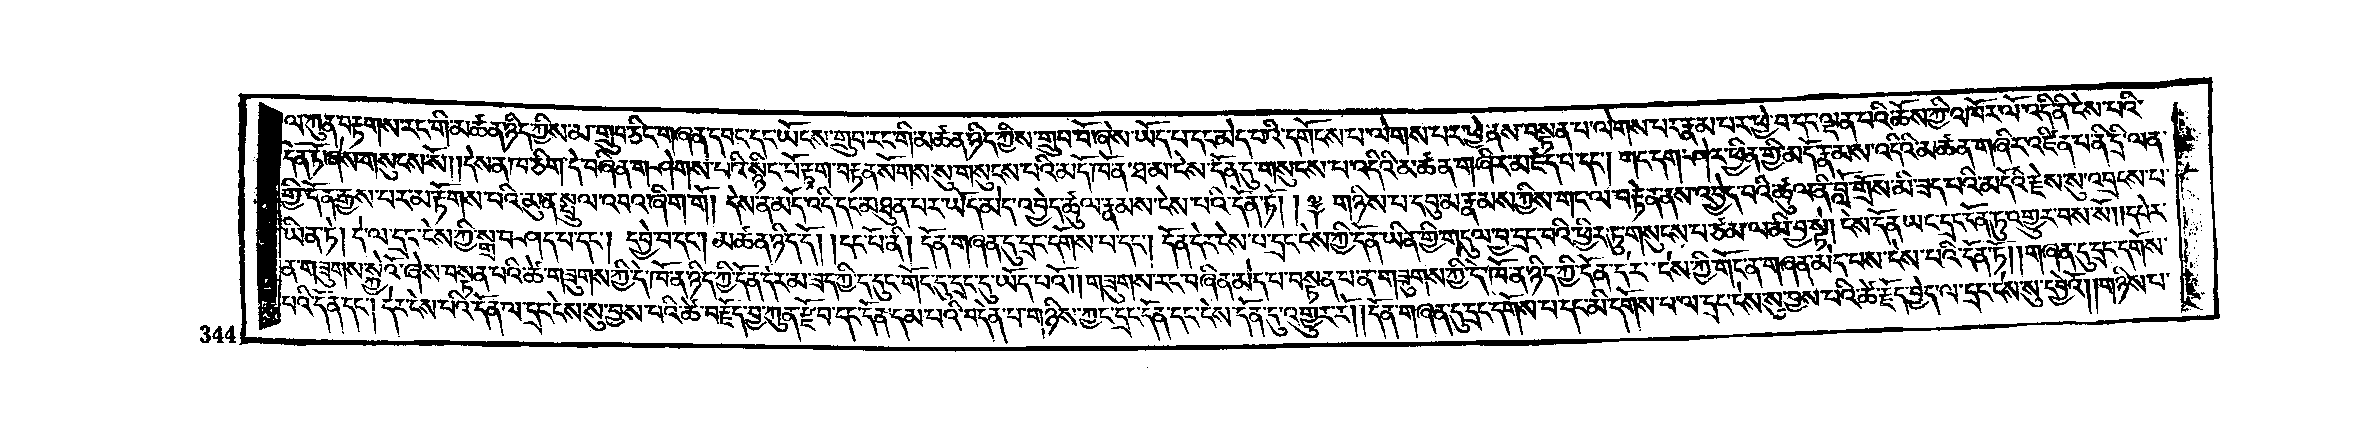ལ་ཀུན་བརྟགས་རང་གི་མཚན་ཉིད་ཀྱིས་མ་གྲུབ་ཅིང་གཞན་དབང་དང་ཡོངས་གྲུབ་རང་གི་མཚན་ཉིད་ཀྱིས་གྲུབ་བོ་ཞེས་ཡོད་པ་དང་མེད་པའི་དགོངས་པ་ལེགས་པར་ཕྱེ་ནས་བསྟན་པ་ལེགས་པར་རྣམ་པར་ཕྱེ་བ་དང་ལྡན་པའི་ཆོས་ཀྱི་འཁོར་ལོ་འདི་ནི་ངེས་པའི་
དོན་ཏོ་ཞེས་གསུངས་སོ། །དེས་ན་ཁ་ཅིག་དེ་བཞིན་གཤེགས་པའི་སྙིང་པོ་རྟག་བརྟན་སོགས་སུ་གསུངས་པའི་མདོ་ཁོ་ན་ཐ་མ་ངེས་དོན་དུ་གསུངས་པ་འདིའི་མཚན་གཞིར་མཛད་པ་དང་། གང་དག་ཤེར་ཕྱིན་གྱི་མདོ་རྣམས་འདིའི་མཚན་གཞིར་འཛིན་པ་ནི་དྲི་ལན་
གྱི་དོན་རྒྱས་པར་མ་རྟོགས་པའི་མུན་སྤྲུལ་འབའ་ཞིག་གོ། དེས་ན་མདོ་འདི་དང་མཐུན་པར་ཡོད་མེད་འབྱེད་ཚུལ་རྣམས་ངེས་པའི་དོན་ཏོ། ། ༈ གཉིས་པ་དབུ་མ་རྣམས་ཀྱིས་གང་ལ་བརྟེན་ནས་འབྱེད་པའི་ཚུལ་ནི་བློ་གྲོས་མི་ཟད་པའི་མདོའི་རྗེས་སུ་འབྲངས་པ་
ཡིན་ཏེ། དེ་ལ་དྲང་ངེས་ཀྱི་སྒྲ་བཤད་པ་དང་། དབྱེ་བ་དང་། མཚན་ཉིད་དོ། །དང་པོ་ནི། དོན་གཞན་དུ་དྲང་དགོས་པ་དང་། དོན་དེར་ངེས་པ་དྲང་ངེས་ཀྱི་དོན་ཡིན་གྱི་གདུལ་བྱ་དྲང་བའི་ཕྱིར་ཏུ་གསུངས་པ་ཙམ་ལ་མི་བྱ་སྟེ། ངེས་དོན་ཡང་དྲང་དོན་ཏུ་འགྱུར་བས་སོ། །དཔེར་
ན་གཟུགས་སྐྱེའོ་ཞེས་བསྟན་པའི་ཚེ་གཟུགས་ཀྱི་དེ་ཁོ་ན་ཉིད་ཀྱི་དོན་དེར་མ་ཟད་ཀྱི་ད་དུང་གོང་དུ་དྲང་དུ་ཡོད་པའོ། །གཟུགས་རང་བཞིན་མེད་པ་བསྟན་པ་ན་གཟུགས་ཀྱི་དེ་ཁོ་ན་ཉིད་ཀྱི་དོན་དེར་ངེས་ཀྱི་གོང་ན་གཞན་མེད་པས་ངེས་པའི་དོན་ཏོ། །གཞན་དུ་དྲང་དགོས་
པའི་དོན་དང་། དེར་ངེས་པའི་དོན་ལ་དྲང་ངེས་སུ་བྱས་པའི་ཚེ་བརྗོད་བྱ་ཀུན་རྫོབ་དང་དོན་དམ་པའི་བདེན་པ་གཉིས་ཀྱང་དྲང་དོན་དང་ངེས་དོན་དུ་འགྱུར་རོ། །དོན་གཞན་དུ་དྲང་དགོས་པ་དང་མི་དགོས་པ་ལ་དྲང་ངེས་སུ་བྱས་པའི་ཚེ་རྗོད་བྱེད་ལ་དྲང་ངེས་སུ་དབྱེའོ། །གཉིས་པ་